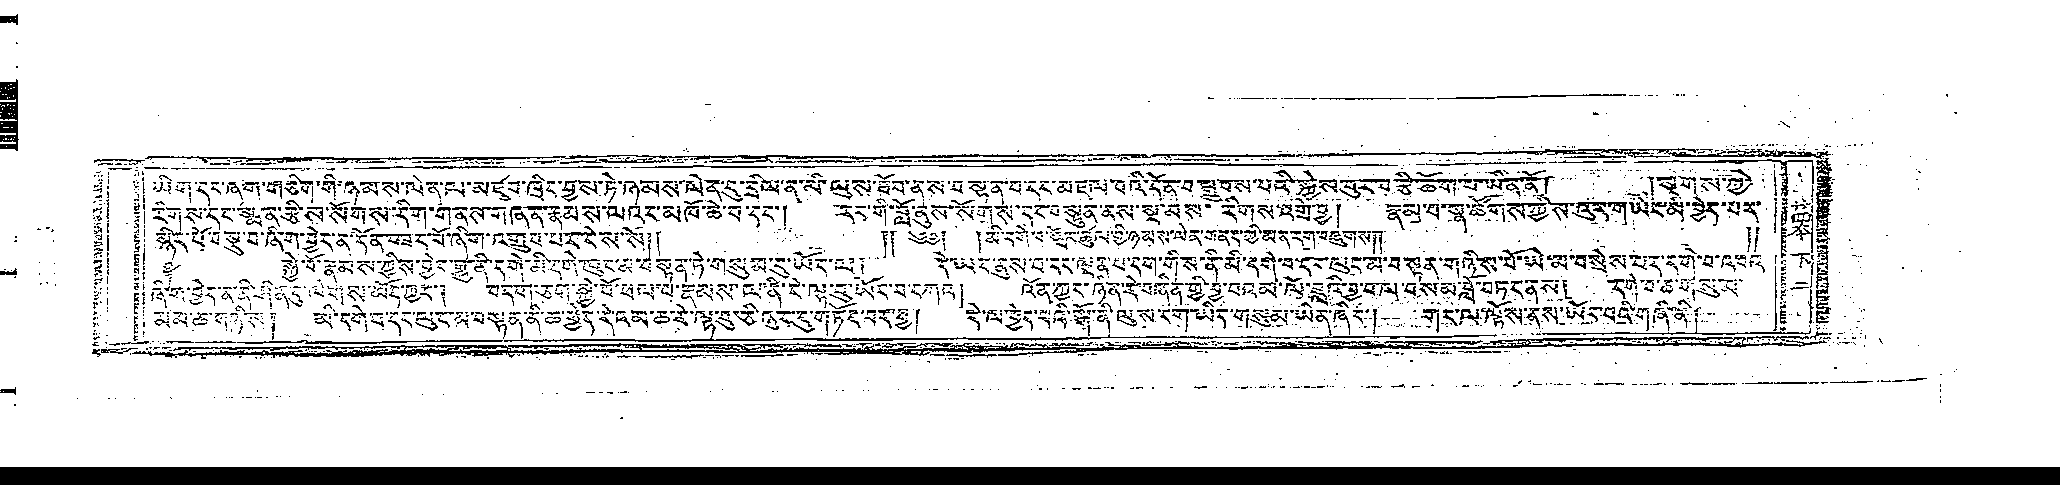ཡིག་དང་ཞག་གཅིག་གི་ཉམས་ལེན་ལ་མཛུབ་ཁྲིད་བྱས་ཏེ་ཉམས་ལེན་དུ་དྲི་ལན་མི་ལུས་ཐོབ་ནས་བསྟན་པ་དང་མཛལ་བའི་དོན་བསྒྲུབས་པའི་སྐྱེས་བུར་བ་རྩི་ཆོག་པ་ཡིན་ནོ། །སྔགས་ཀྱི་
རིགས་དང་སྨན་རྩིས་སོགས་རིག་གནས་གཞན་རྣམས་ལའང་མཁོ་ཆེ་བ་དང་། རང་གི་བློ་ནུས་སོགས་དང་བསྟུན་ནས་སྔམས་རིགས་འགྲེ་བྱ། རྣམ་པ་སྣ་ཚོགས་ཀྱིས་བུར?་གཡེང་མི་བྱེད་པར་
སྙིང་པོ་བསྡུ་བ་ཞིག་བྱེད་ན་དོན་བཟང་པོ་ཞིག་འགྲུབ་པར་ངེས་སོ།། །།༄༅། །མི་དགེ་བ་སྤོང་ཚུལ་གྱི་ཉམས་ལེན་གནད་ཀྱི་མན་ངག་བཞུགས།། །།
༈ སྐྱེ་བོ་རྣམས་ཀྱིས་བྱེད་རྒྱུ་ནི་དགེ་མི་དགེ་ལུང་མ་བསྟན་ཏེ་གསུམ་དུ་ཡོད་ལ། དེ་ཡང་ནུས་པ་དང་ལྡན་པ་དག་གིས་ནི་མི་དགེ་བ་དང་ལུང་མ་བསྟན་གཉིས་པོ་ཡེམ་བསྲེས་པར་དགེ་བ་འབའ་
ཞིག་བྱེད་ན་ནི་ཤིན་ཏུ་ལེགས་མོད་ཀྱང་། བདག་ཅག་སྐྱེ་བོ་ཕལ་པ་རྣམས་ལ་ནི་དེ་ལྟ་བུ་ཡོད་བ་དཀའ། འོན་ཀྱང་ཉིན་དེ་བཞིན་གྱི་བྱ་བའམ་ལོ་ཟླའི་བྱ་བ་ལ་བསམ་བློ་བཏང་ནས། དགེ་བ་ཆ་གསུམ་
མམ་ཆ་གཉིས། མི་དགེ་བ་དང་ལུང་མ་བསྟན་ནི་ཆ་བྱེད་རེའམ་ཆ་དེ་ལྟ་བུ་ཅི་ཉུང་དུ་གཏོང་བར་བྱ། དེ་ལ་བྱེད་པའི་སྒོ་ནི་ལས་དག་ཡིད་གསུམ་ཡིན་ཞིང་། གང་ལ་ལྟོས་ནས་ཡོད་བའི་གཞི་ནི།